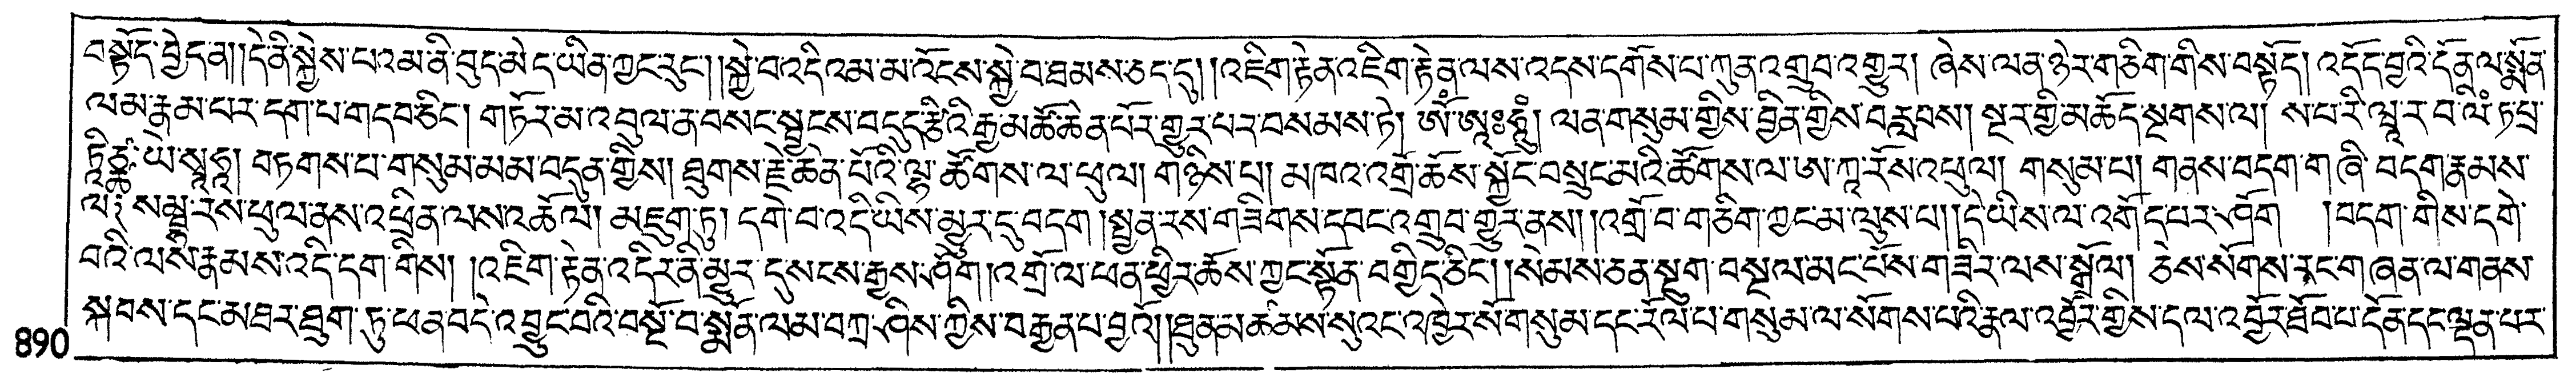བསྟོད་བྱེད་ན། །དེ་ནི་སྐྱེས་པའམ་ནི་བུད་མེད་ཡིན་ཀྱང་རུང་། །སྐྱེ་བ་འདིའམ་མ་འོངས་སྐྱེ་བ་ཐམས་ཅད་དུ། །འཇིག་རྟེན་འཇིག་རྟེན་ལས་འདས་དགོས་པ་ཀུན་འགྲུབ་འགྱུར། ཞེས་ལན་ཉེར་གཅིག་གིས་བསྟོད། འདོད་བྱའི་དོན་ལ་སྨོན་
ལམ་རྣམ་པར་དག་པ་གདབ་ཅིང་། གཏོར་མ་འབུལ་ན་བསང་སྦྱངས་བདུད་རྩིའི་རྒྱ་མཚོ་ཆེན་པོར་གྱུར་པར་བསམས་ཏེ། ཨོཾ་ཨཱཿ ཧཱུཾ། ལན་གསུམ་གྱིས་བྱིན་གྱིས་བརླབས། སྔར་གྱི་མཆོད་སྔགས་ལ། ས་པ་རི་ཝཱ་ར་བ་ལིཾ་ཏ་པྲ་
ཏཱིཙྪ་ཡེ་སྭཱཧཱ། བཏགས་པ་གསུམ་མམ་བདུན་གྱིས། ཐུགས་རྗེ་ཆེན་པོའི་ལྷ་ཚོགས་ལ་ཕུལ། གཉིས་པ། མཁའ་འགྲོ་ཆོས་སྐྱོང་བསྲུང་མའི་ཚོགས་ལ་ཨ་ཀཱ་རོས་འཕུལ། གསུམ་པ། གནས་བདག་གཞི་བདག་རྣམས་
ལ༑ སམྦྷ་རས་ཕུལ་ནས་འཕྲིན་ལས་འཆོལ། མཇུག་ཏུ། དགེ་བ་འདི་ཡིས་མྱུར་དུ་བདག །སྤྱན་རས་གཟིགས་དབང་འགྲུབ་གྱུར་ནས། །འགྲོ་བ་གཅིག་ཀྱང་མ་ལུས་པ། །དེ་ཡིས་ལ་འགོད་པར་ཤོག །བདག་གིས་དགེ་
བའི་ལས་རྣམས་འདི་དག་གིས། །འཇིག་རྟེན་འདིར་ནི་མྱུར་དུ་སངས་རྒྱས་ཤོག །འགྲོ་ལ་ཕན་ཕྱིར་ཆོས་ཀྱང་སྟོན་བགྱིད་ཅིང་། །སེམས་ཅན་སྡུག་བསྔལ་མང་པོས་གཟིར་ལས་སྒྲོལ། ཅེས་སོགས་རང་གཞན་ལ་གནས་
སྐབས་དང་མཐར་ཐུག་ཏུ་ཕན་བདེ་འབྱུང་བའི་བསྔོ་བ་སྨོན་ལམ་བཀྲ་ཤིས་ཀྱིས་བརྒྱན་པ་བྱའོ། །ཐུན་མཚམས་སུའང་འཁྱེར་སོ་གསུམ་དང་རོལ་པ་གསུམ་ལ་སོགས་པའི་རྣལ་འབྱོར་གྱིས་དལ་འབྱོར་ཐོབ་པ་དོན་དང་ལྡན་པར་